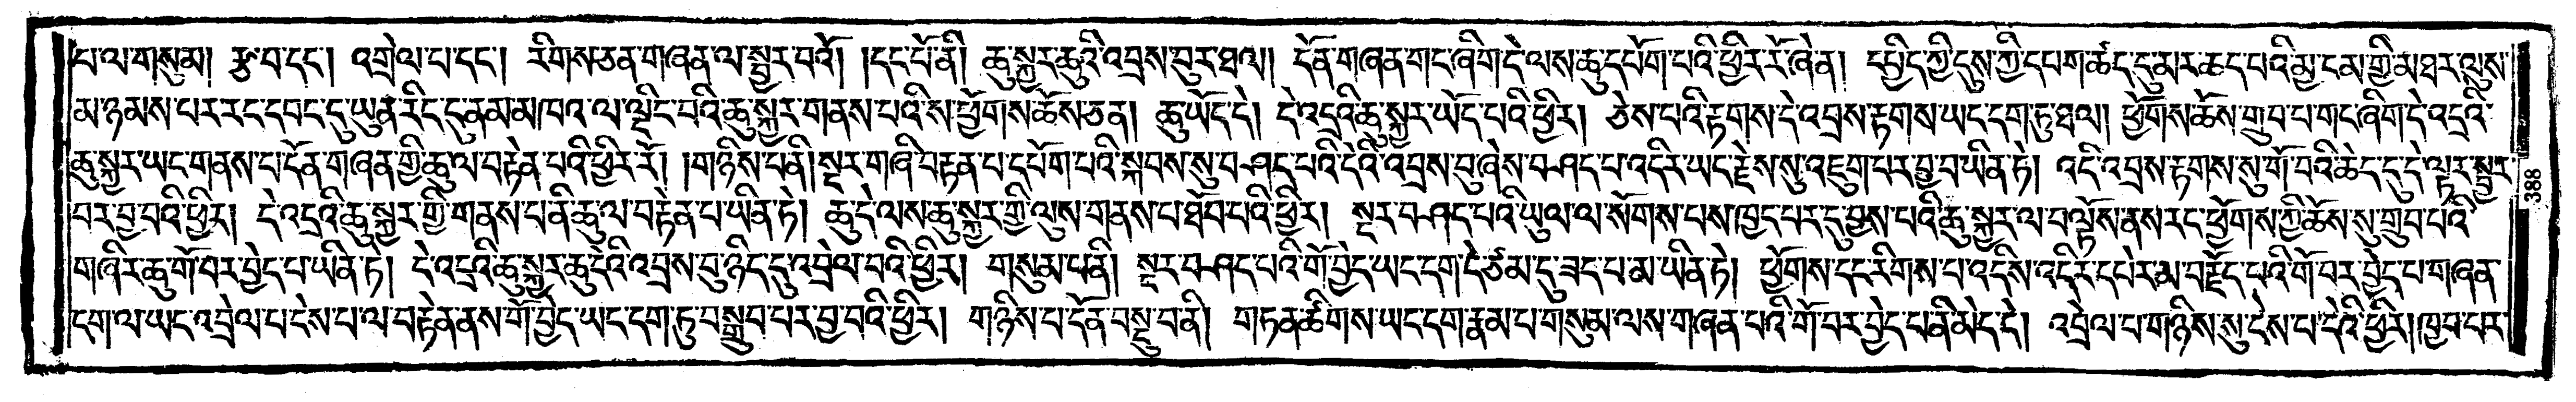པ་ལ་གསུམ། རྩ་བ་དང་། འགྲེལ་པ་དང་། རིགས་ཅན་གཞན་ལ་སྦྱར་བའོ། །དང་པོ་ནི། ཆུ་སྐྱར་ཆུའི་འབྲས་བུར་ཐལ། དོན་གཞན་གང་ཞིག་དེ་ལས་ཆུ་དཔོག་པའི་ཕྱིར་རོ་ཞེ་ན། དཔྱིད་ཀྱི་དུས་ཀྱི་དཔག་ཚད་དུ་མར་ཆད་པའི་མྱ་ངམ་གྱི་མཐར་ལུས་
མ་ཉམས་པར་རང་དབང་དུ་ཡུན་རིང་དུ་ནམ་མཁའ་ལ་ལྡིང་བའི་ཆུ་སྐྱར་གནས་པའི་ས་ཕྱོགས་ཆོས་ཅན། ཆུ་ཡོད་དེ། དེ་འདྲའི་ཆུ་སྐྱར་ཡོད་པའི་ཕྱིར། ཅེས་པའི་རྟགས་དེ་འབྲས་རྟགས་ཡང་དག་ཏུ་ཐལ། ཕྱོགས་ཆོས་གྲུབ་པ་གང་ཞིག་དེ་འདྲའི་
ཆུ་སྐྱར་ཡང་གནས་པ་དོན་གཞན་གྱི་ཆུ་ལ་བརྟེན་པའི་ཕྱིར། རོ། །གཉིས་པ་ནི། སྔར་གཞི་བརྟན་པ་དཔོག་པའི་སྐབས་སུ་བཤད་པའི་དེའི་འབྲས་བུ་ཞེས་བཤད་པ་འདིར་ཡང་རྗེས་སུ་འཇུག་པར་བྱ་བ་ཡིན་ཏེ། འདི་འབྲས་རྟགས་སུ་གོ་བའི་ཆེད་དུ་དེ་ལྟར་སྦྱར་
བར་བྱ་བའི་ཕྱིར། དེ་འདྲའི་ཆུ་སྐྱར་གྱི་གནས་པ་ནི་ཆུ་ལ་བརྟེན་པ་ཡིན་ཏེ། ཆུ་དེ་ལས་ཆུ་སྐྱར་གྱི་ལུས་གནས་པ་ཐོབ་པའི་ཕྱིར། སྔར་བཤད་པའི་ཡུལ་ལ་སོགས་པས་ཁྱད་པར་དུ་བྱས་པའི་ཆུ་སྐྱར་ལ་བལྟོས་ནས་རང་ཕྱོགས་ཀྱི་ཆོས་སུ་གྲུབ་པའི་
གཞིར་ཆུ་གོ་བར་བྱེད་པ་ཡིན་ཏེ། དེ་འདྲའི་ཆུ་སྐྱར་ཆུ་དེའི་འབྲས་བུ་ཉིད་དུ་འབྲེལ་བའི་ཕྱིར། གསུམ་པ་ནི། སྔར་བཤད་པའི་གོ་བྱེད་ཡང་དག་དེ་ཙམ་དུ་ཟད་པ་མ་ཡིན་ཏེ། ཕྱོགས་དང་རིགས་པ་འདིས་འདིར་དཔེར་མ་བརྗོད་པའི་གོ་བར་བྱེད་པ་གཞན་
དག་ལ་ཡང་འབྲེལ་པ་ངེས་པ་ལ་བརྟེན་ནས་གོ་བྱེད་ཡང་དག་ཏུ་བསྒྲུབ་པར་བྱ་བའི་ཕྱིར། གཉིས་པ་དོན་བསྡུ་བ་ནི། གཏན་ཚིགས་ཡང་དག་རྣམ་པ་གསུམ་ལས་གཞན་པའི་གོ་བར་བྱེད་པ་ནི་མེད་དེ། འབྲེལ་པ་གཉིས་སུ་ངེས་པ་དེའི་ཕྱིར། ཁྱབ་པར་